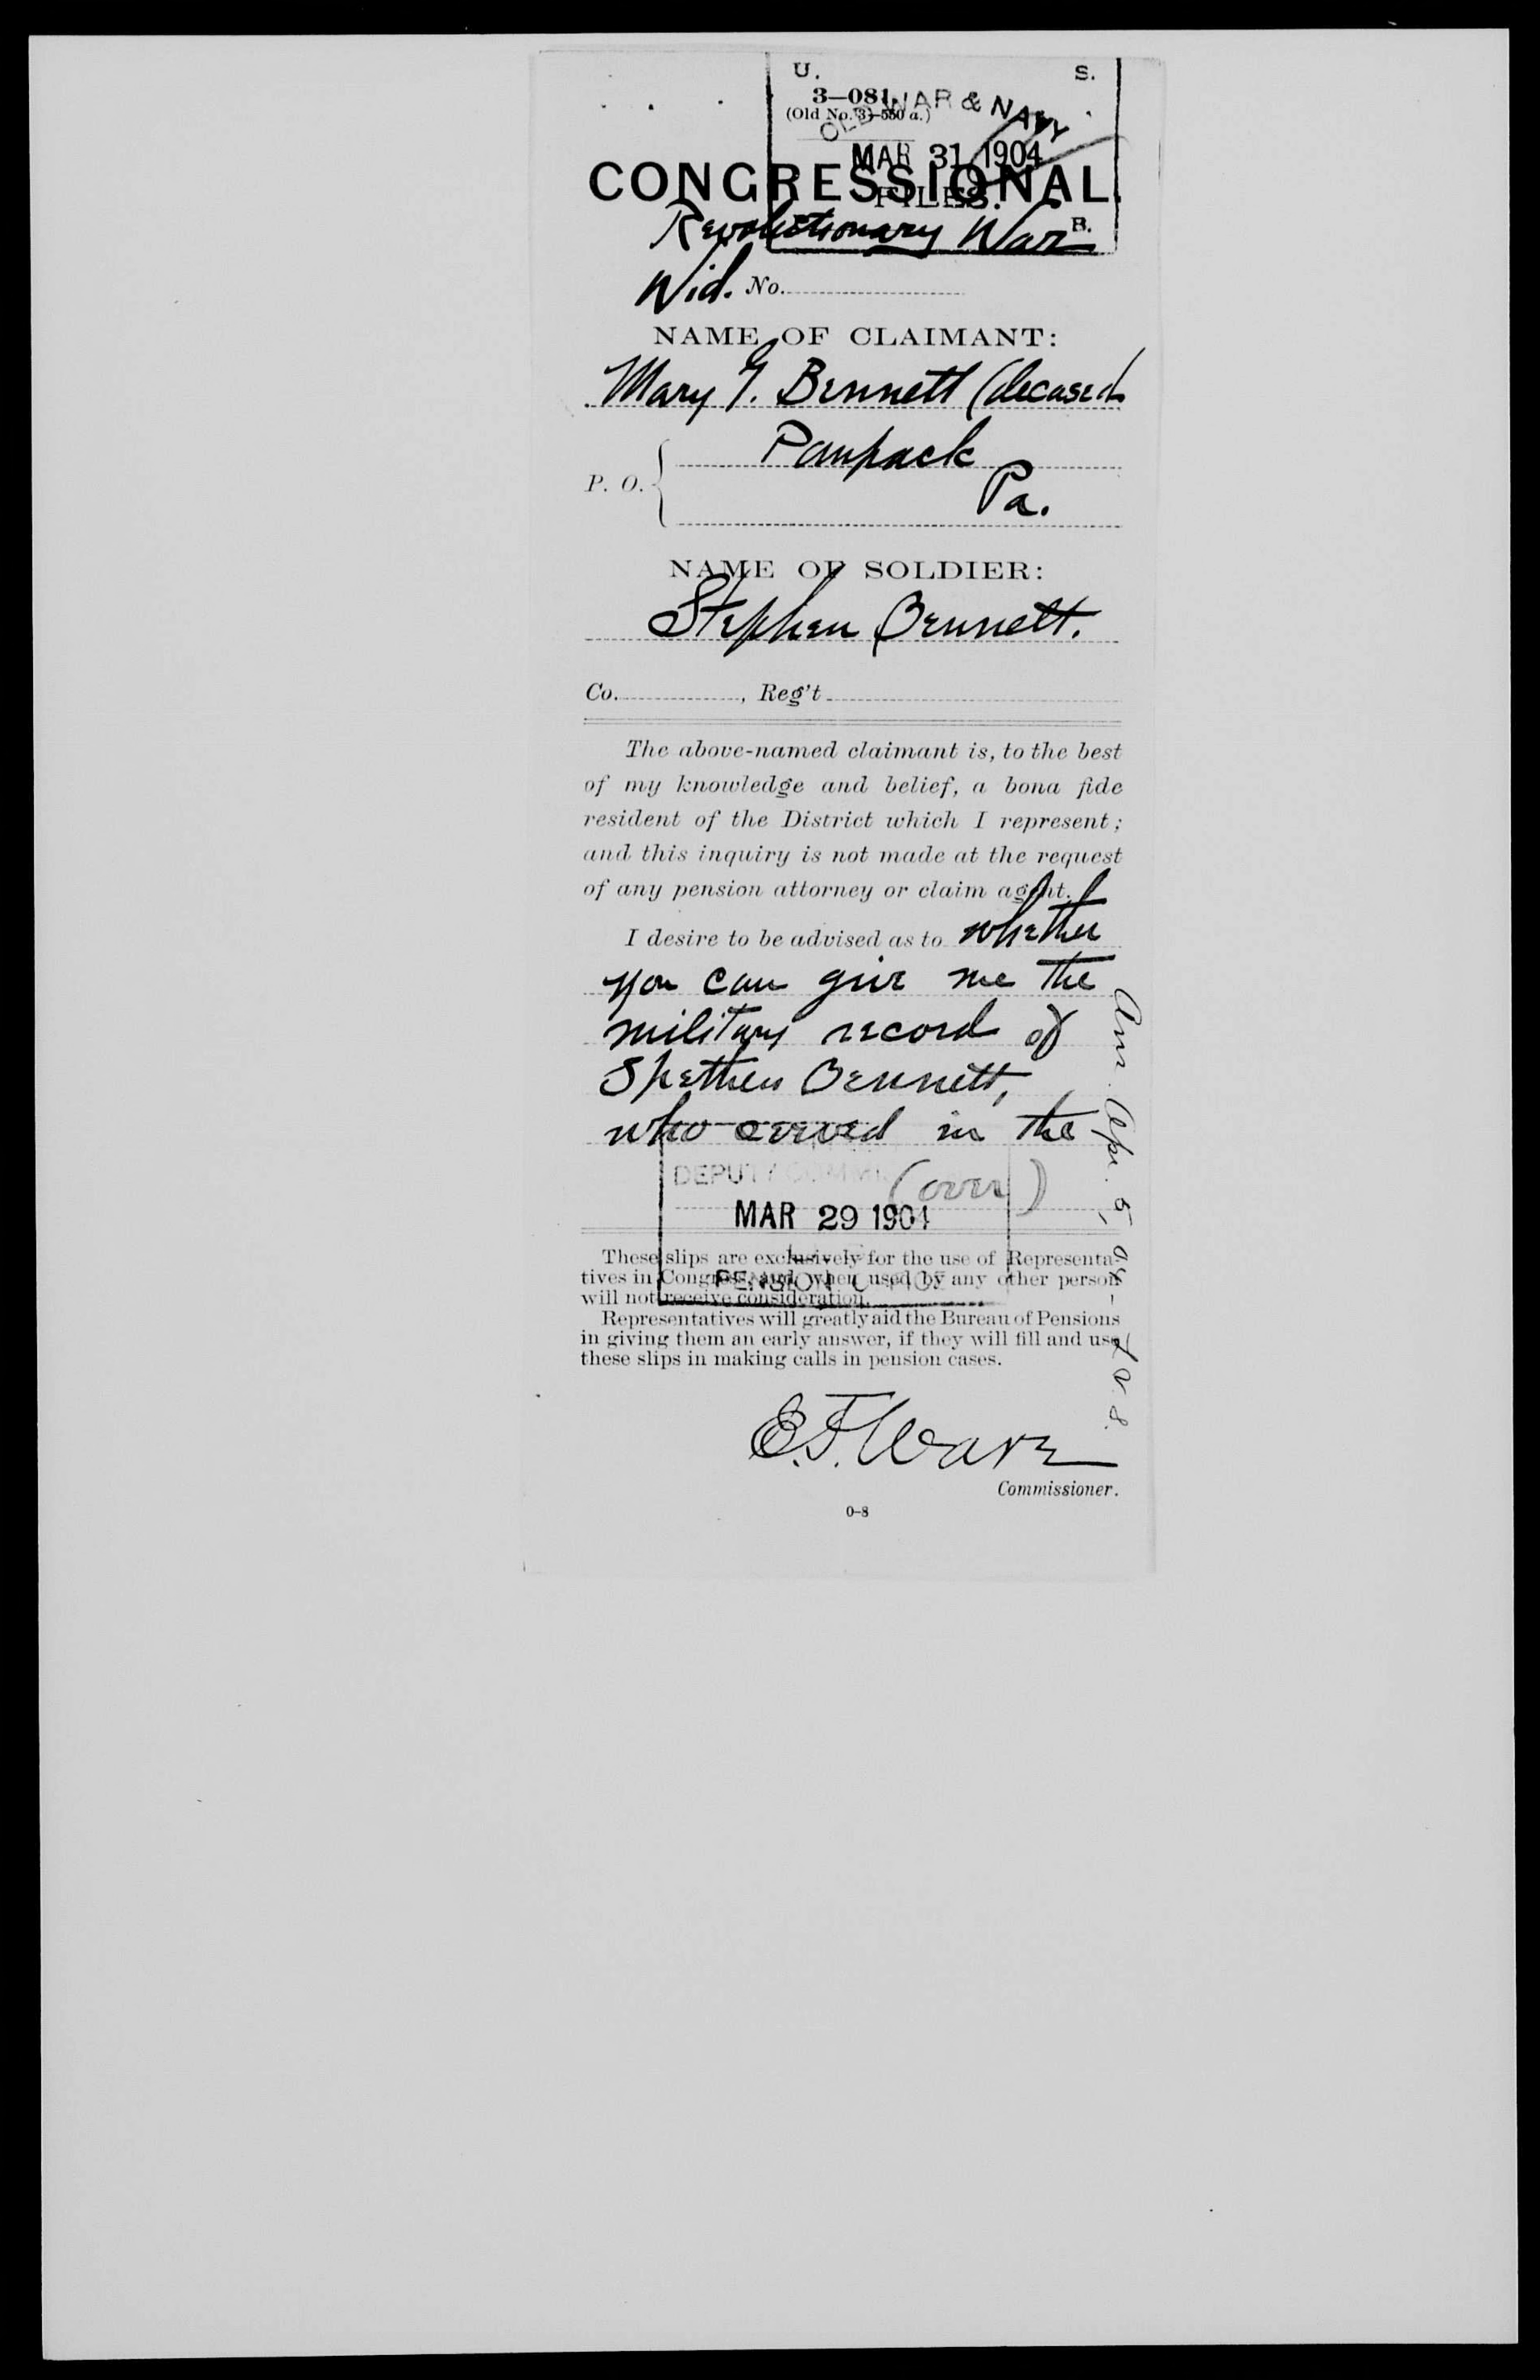[File Stamped] OLD WAR & NAVY FILES
March 31 1904

CONGRESSIONAL
Revolutionary War
Wid. No. ______

Mary Bennet, (Deceased)
P. O.   Paupack   Pa

NAME OF SOLDIER:   Stephen Bennett

Co. ______ Reg't_______

The above-named claimant is, to the best of my knowledge and belief, a
bona fide resident of the District which I represent; and this inquiry is 
not made at the request of any pension attorney or claim agent.

I desire to be advised as to whether you can give me the military
record of Stephen Bennett, who served in the (over)

These slips are exclusively for the use of Representatives in Congress and when used by any other
person will not receive consideration.

Representatives will greatly aid the Bureau of Pensions in giving them an early answer, if they
will fill and use these slips in making calls in pension cases.

E J Ware Commissioner.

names: Stephen Bennett, Stephen Bennett, Mary G Bennett, E J Ware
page: 21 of 79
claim: widow's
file: W. 2,906, Stephen Bennet, Conn.